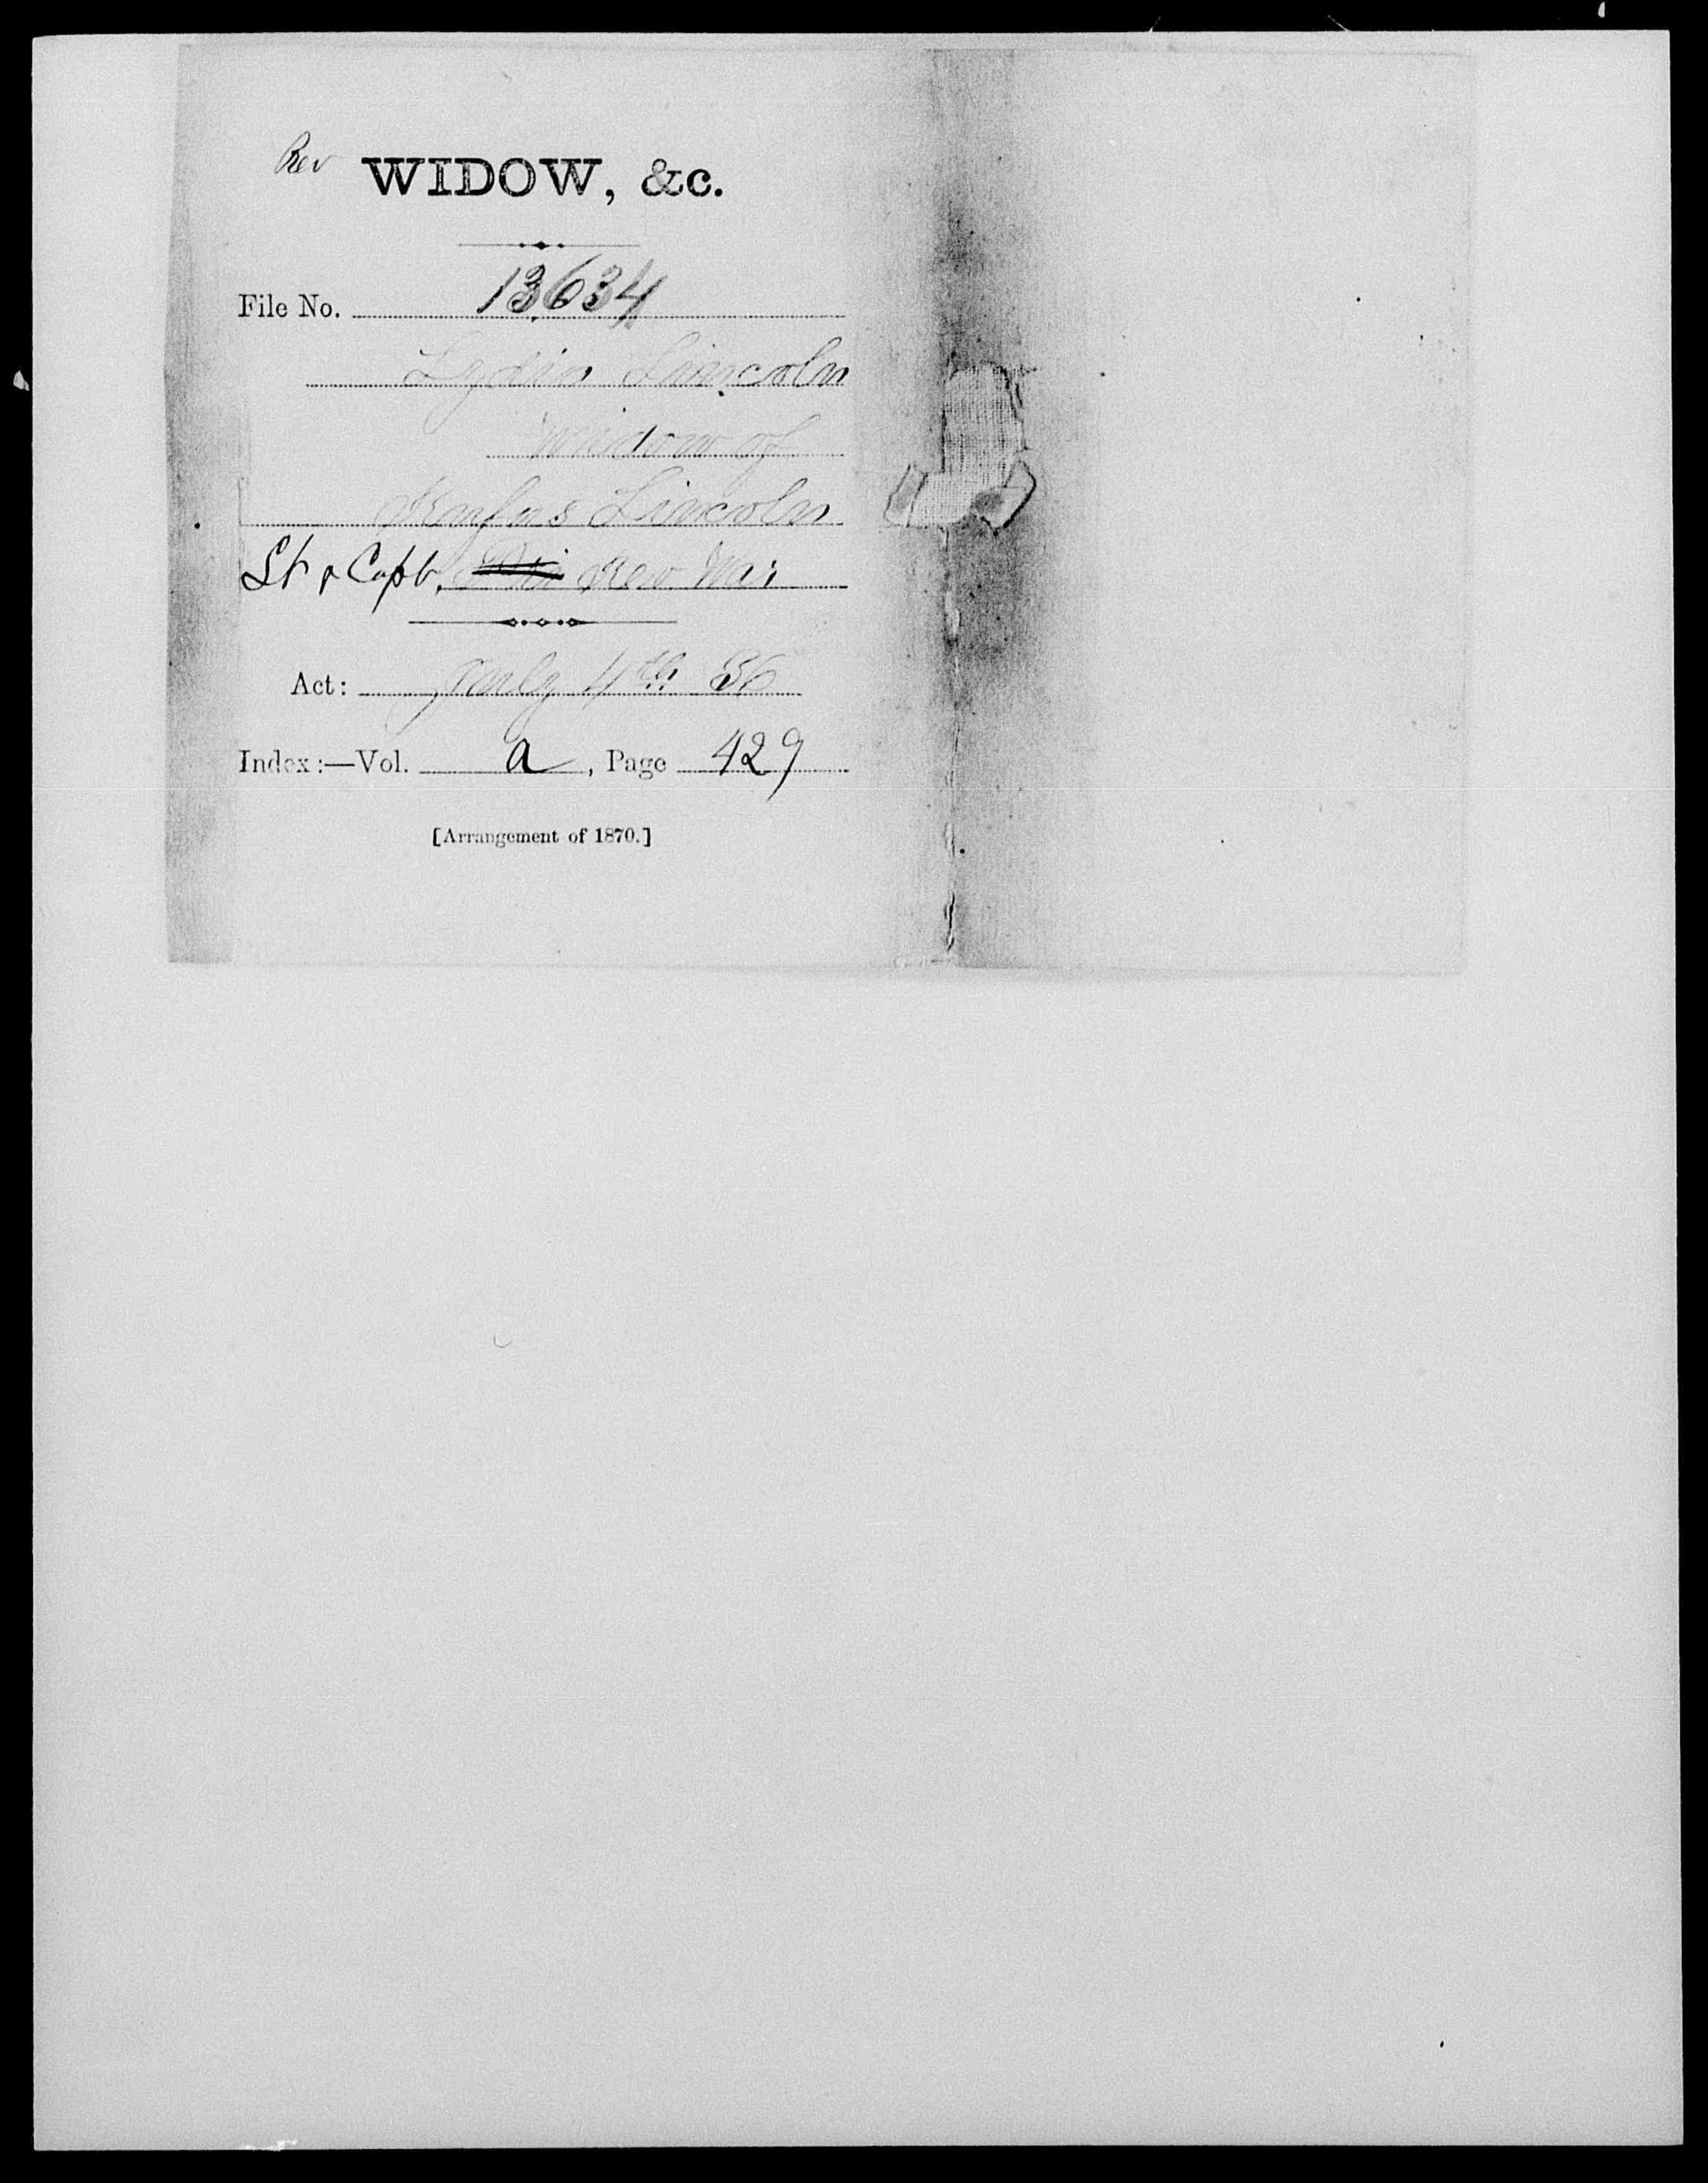Rev WIDOW, &c.
File No. 13634

Lydia Lincoln
Widow of
Rufus Lincoln
Lt & Capt Rev. War
Act: July 4th '36
Index:____ Vol.__A__ Page: __429__
 {Arrangement of 1870}


---
July 4th 36
Index: -- Vol. A, Page 429
Arrangement of 1870.}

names: Lydia Lincoln; Rufus Lincoln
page: 16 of 82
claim: widow's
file: W. 13,634, for Rufus Lincoln, Massachusetts